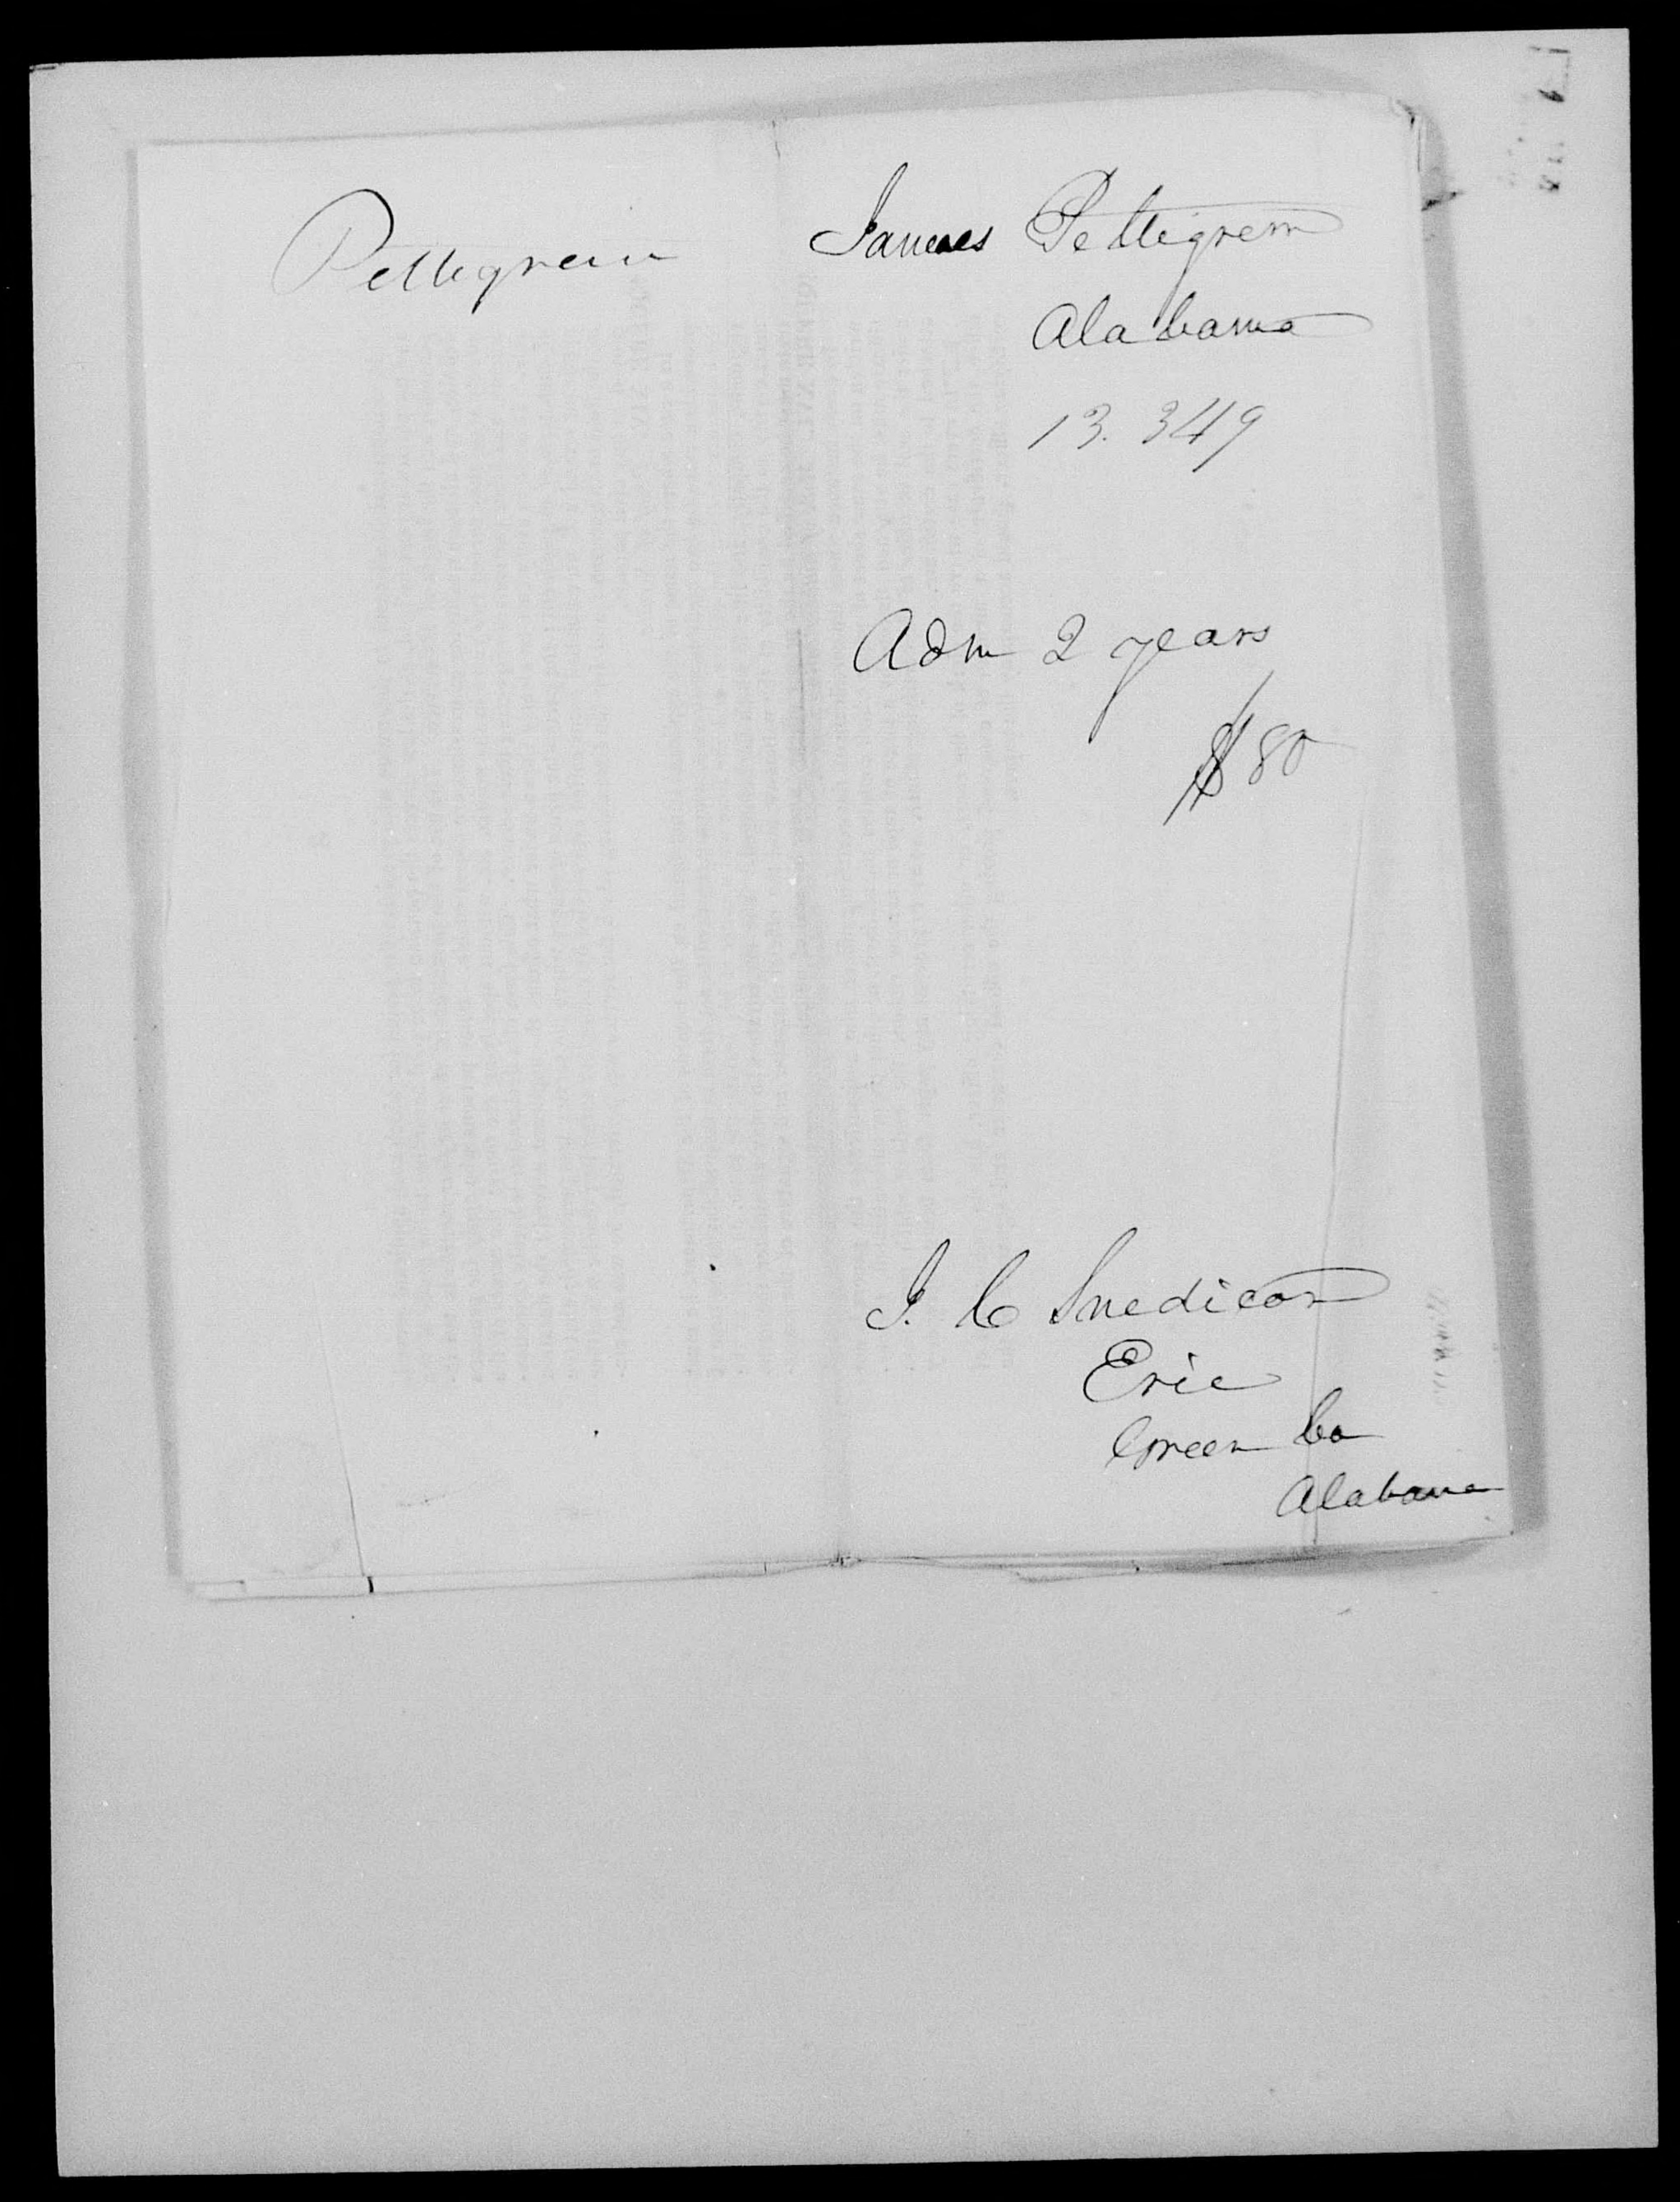[left side of the page]
Pettigrew

[right side of the page]
James Pettigrew
Alabama
13.349

Adm 2 years
$80

J. C Snedicor
Erie
Green Co
Alabama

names: James Pettigrew; J C Snedicor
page: 42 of 92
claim: widow's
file: W. 5522, for James Pettigrew, South Carolina